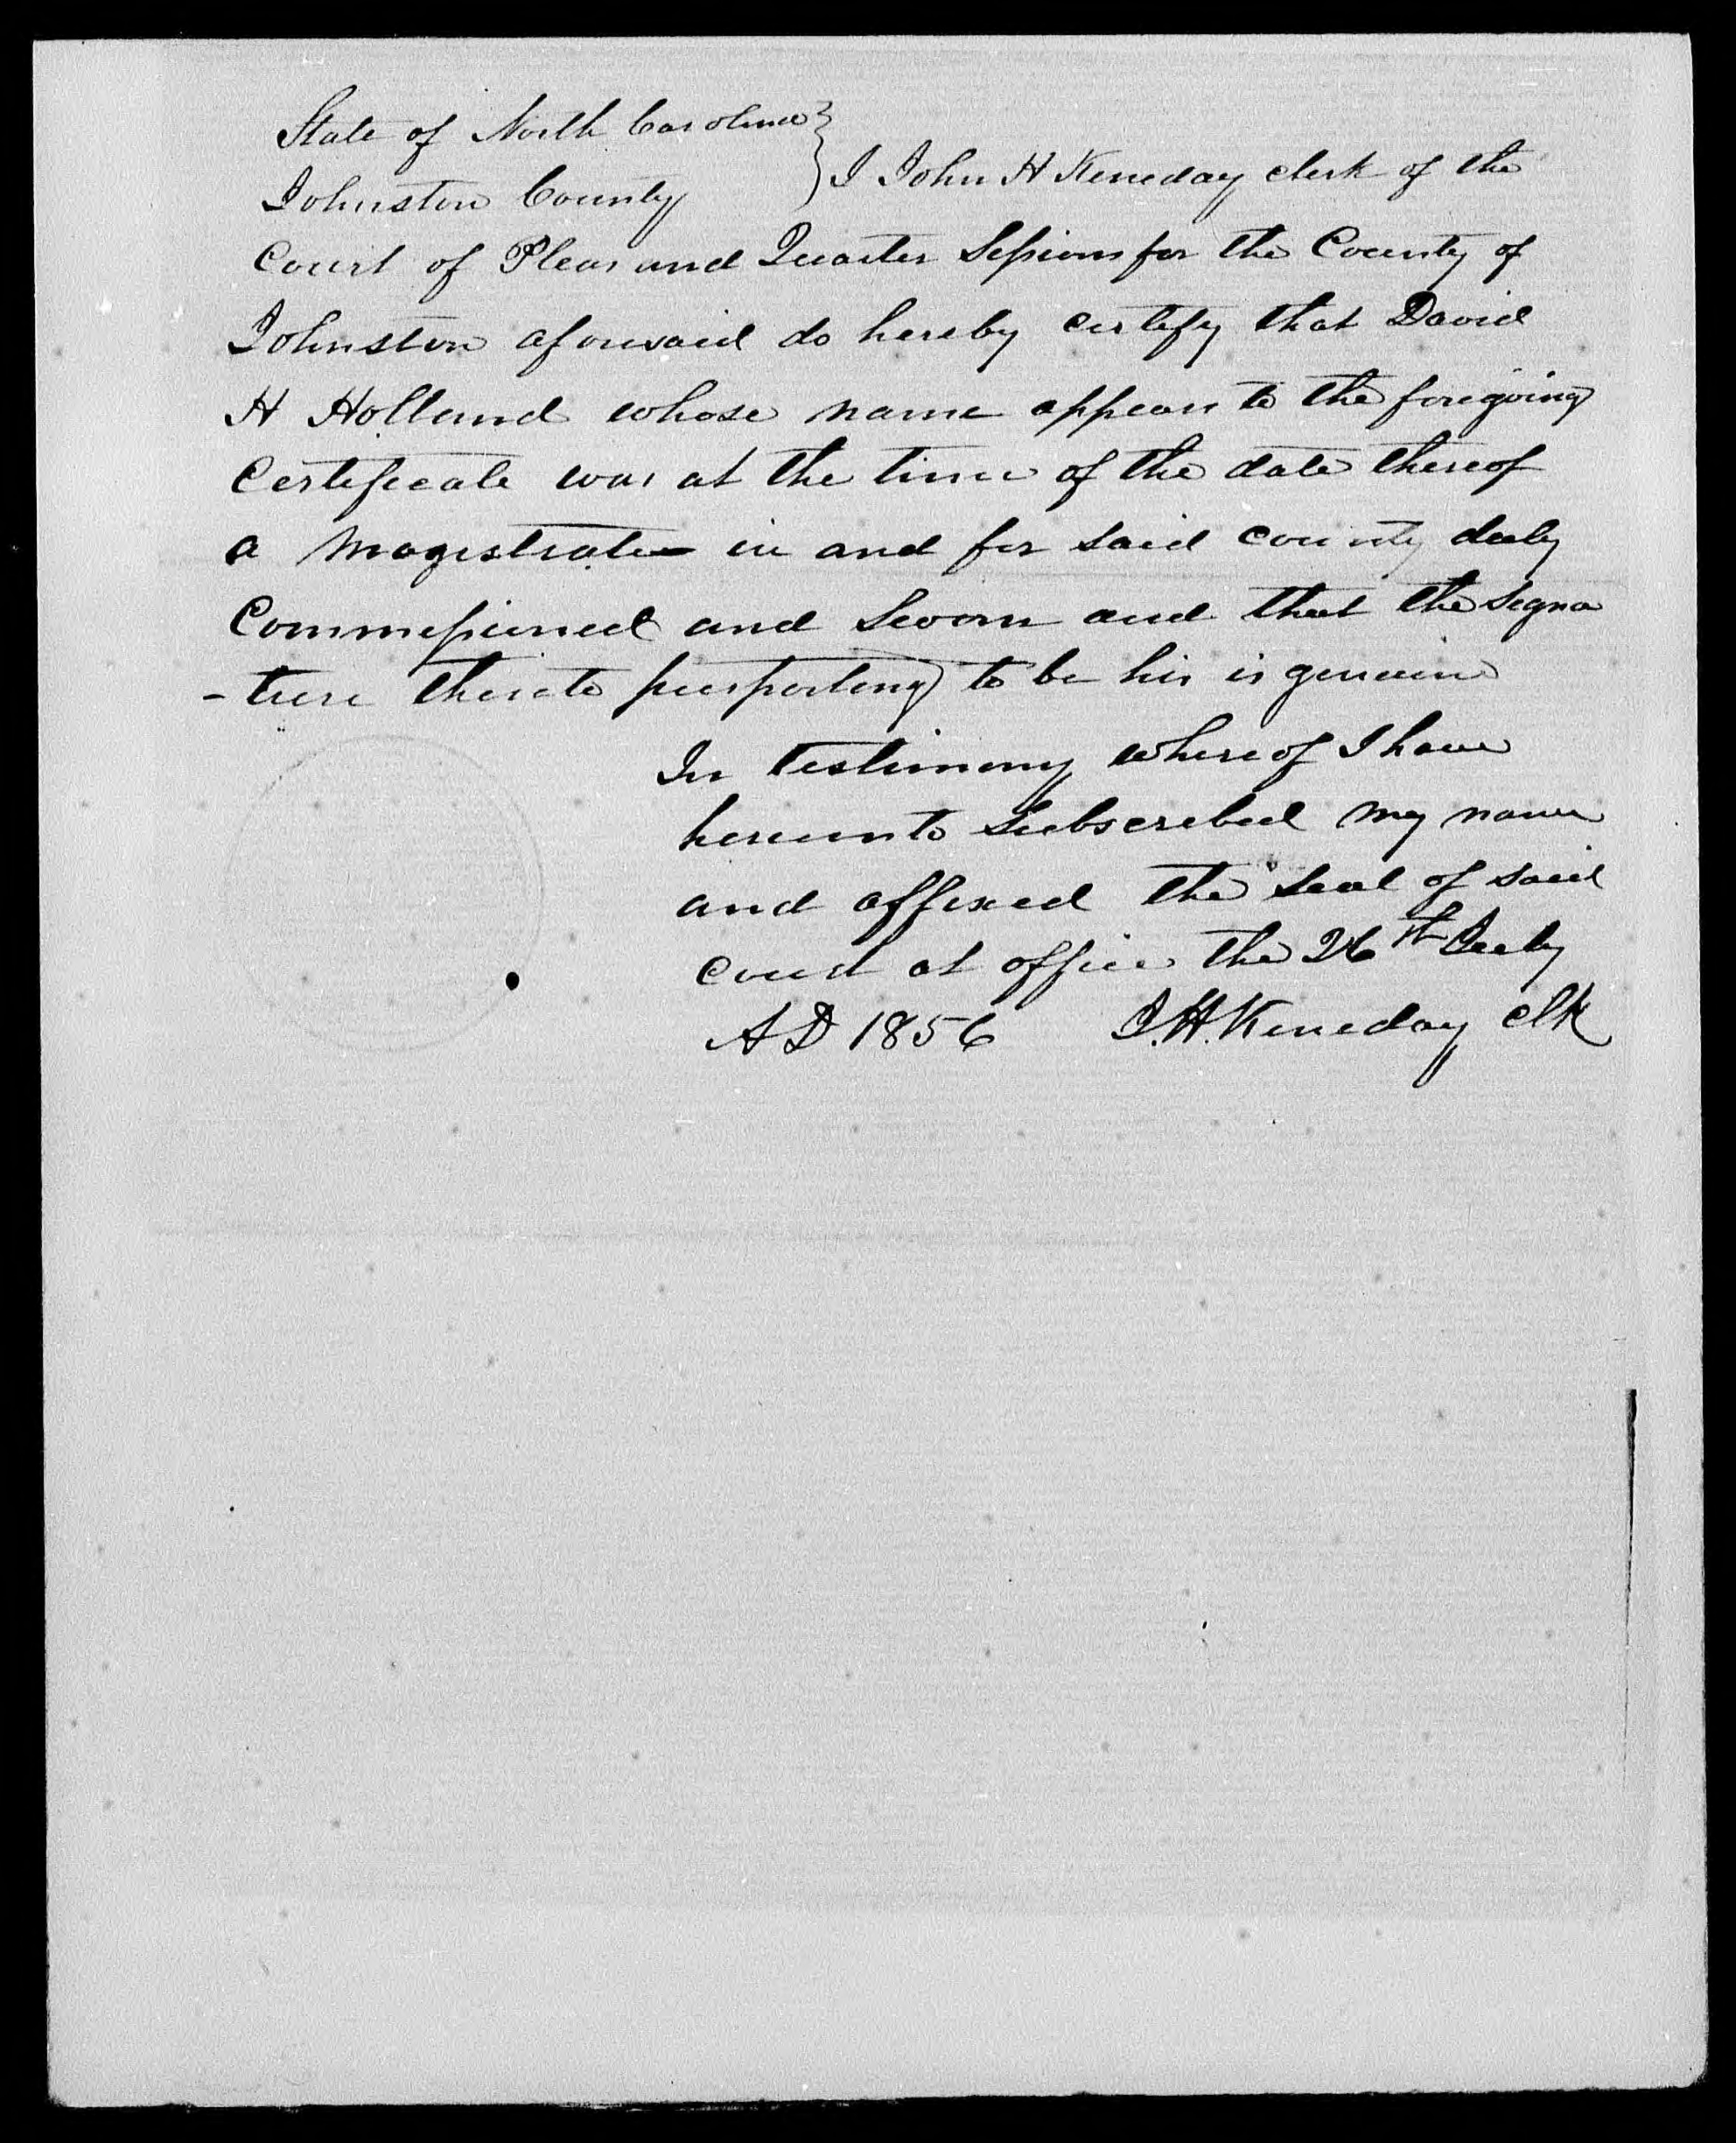State of North Carolina
Johnston County
I, John H. Keneday, Clerk of the Court of Pleas and [Illegible] for the County of Johnston aforesaid do hereby certify that David H. Holland whose name appears to the foregoing certificate was at the time of the date thereof a magistrate in and for said County, duly commissioned and sworn and that the signature purporting to be his is genuine. 
In testimony whereof, I have hereunto subscribed my name and affixed the seal of said court of office the 26th July AD 1856. 
J. H. Keneday, Clerk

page: 16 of 74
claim: rejected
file: R. 5600, for Abel Johnson, North Carolina